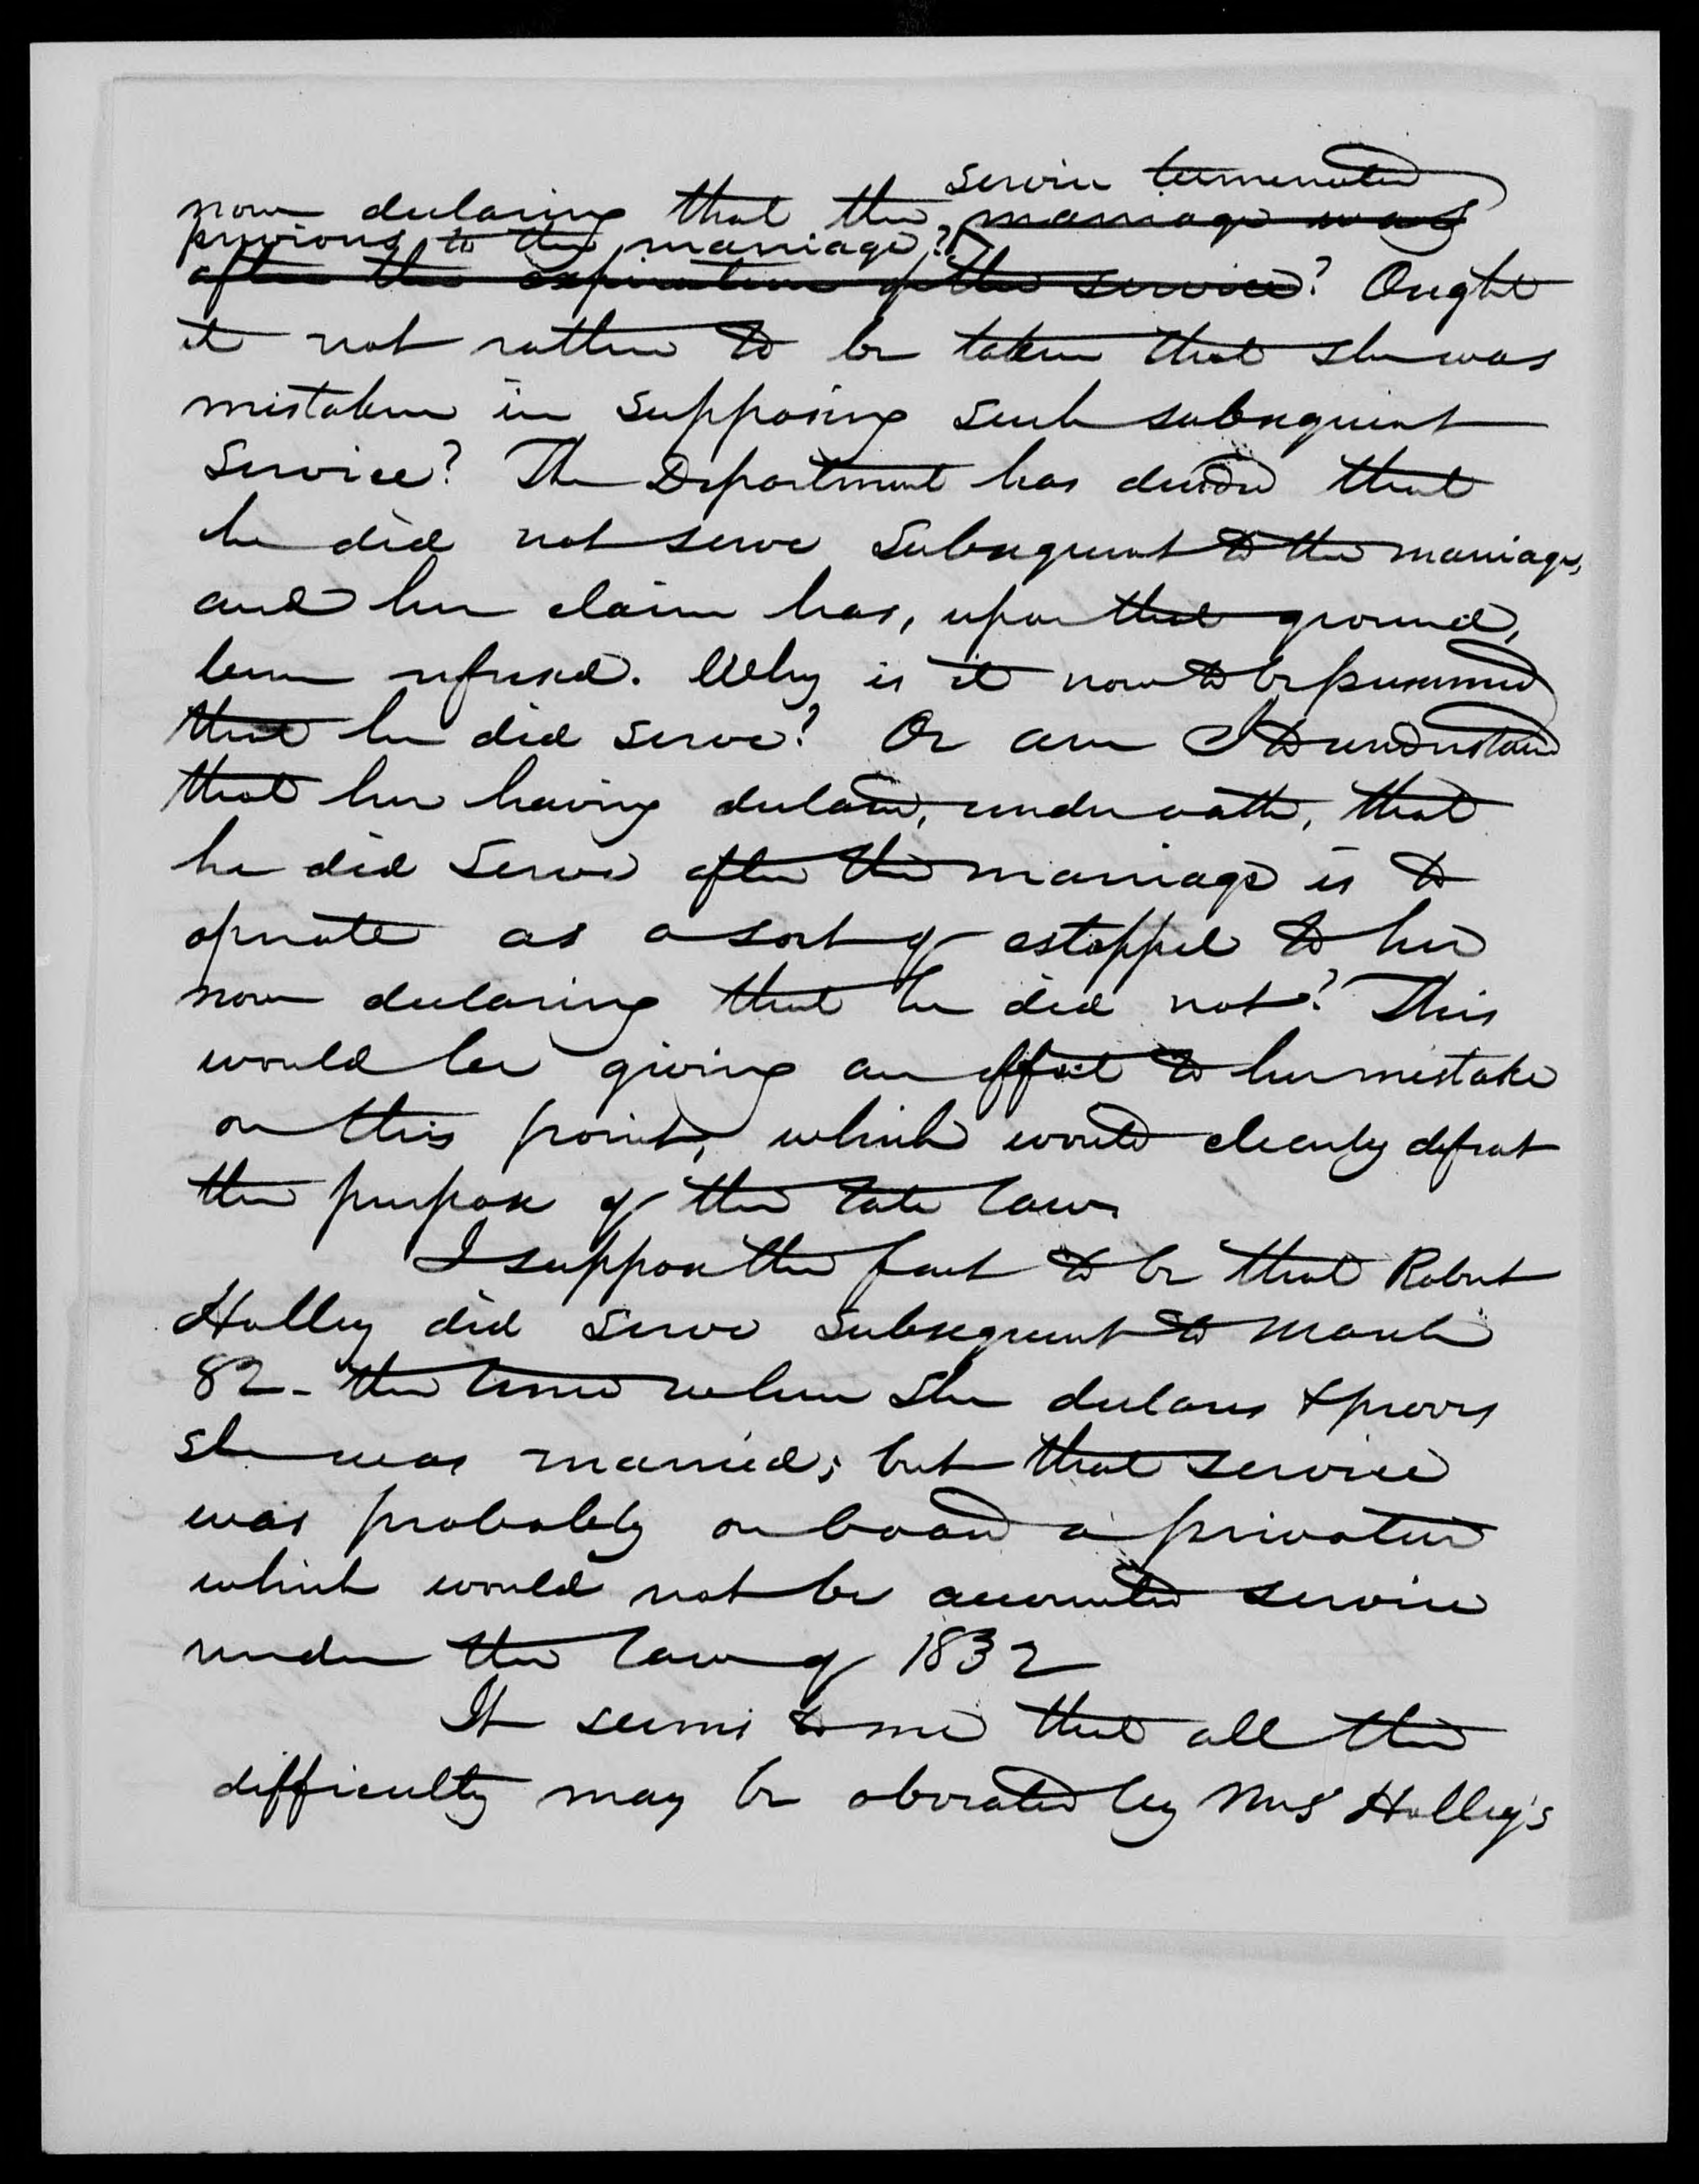now declaring that the Service terminated
previous to the marriage ought
it not rather to be taken that she was
mistaken in supposing such subsequent
service? The Department has decided that
he did not serve subsequent to the marriage,
and her claim has, upon that ground
been refused. Why is it now to be presumed
he did serve? Or an I to understand
that his having declared, under oath, that
he did serve after the marriage is
operate as a sort of estoppel to her
now declaring that he did not? This
would be giving an effect to her mistake
on this point, which would clearly defeat
the purpose of the late law
I suppose the fact to be that Robert
Holley did serve subsequent to march
82, the time when she declares & proves
she was married; but that service
was probably on board a privateer
which would not be accounted service
under the law of 1832
It seems to me that all the
difficulty may be obviated by Mrs Holley's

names: Holley, Robert Holley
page: 28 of 62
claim: widow's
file: W. 21391, Robert Holley, Conn.